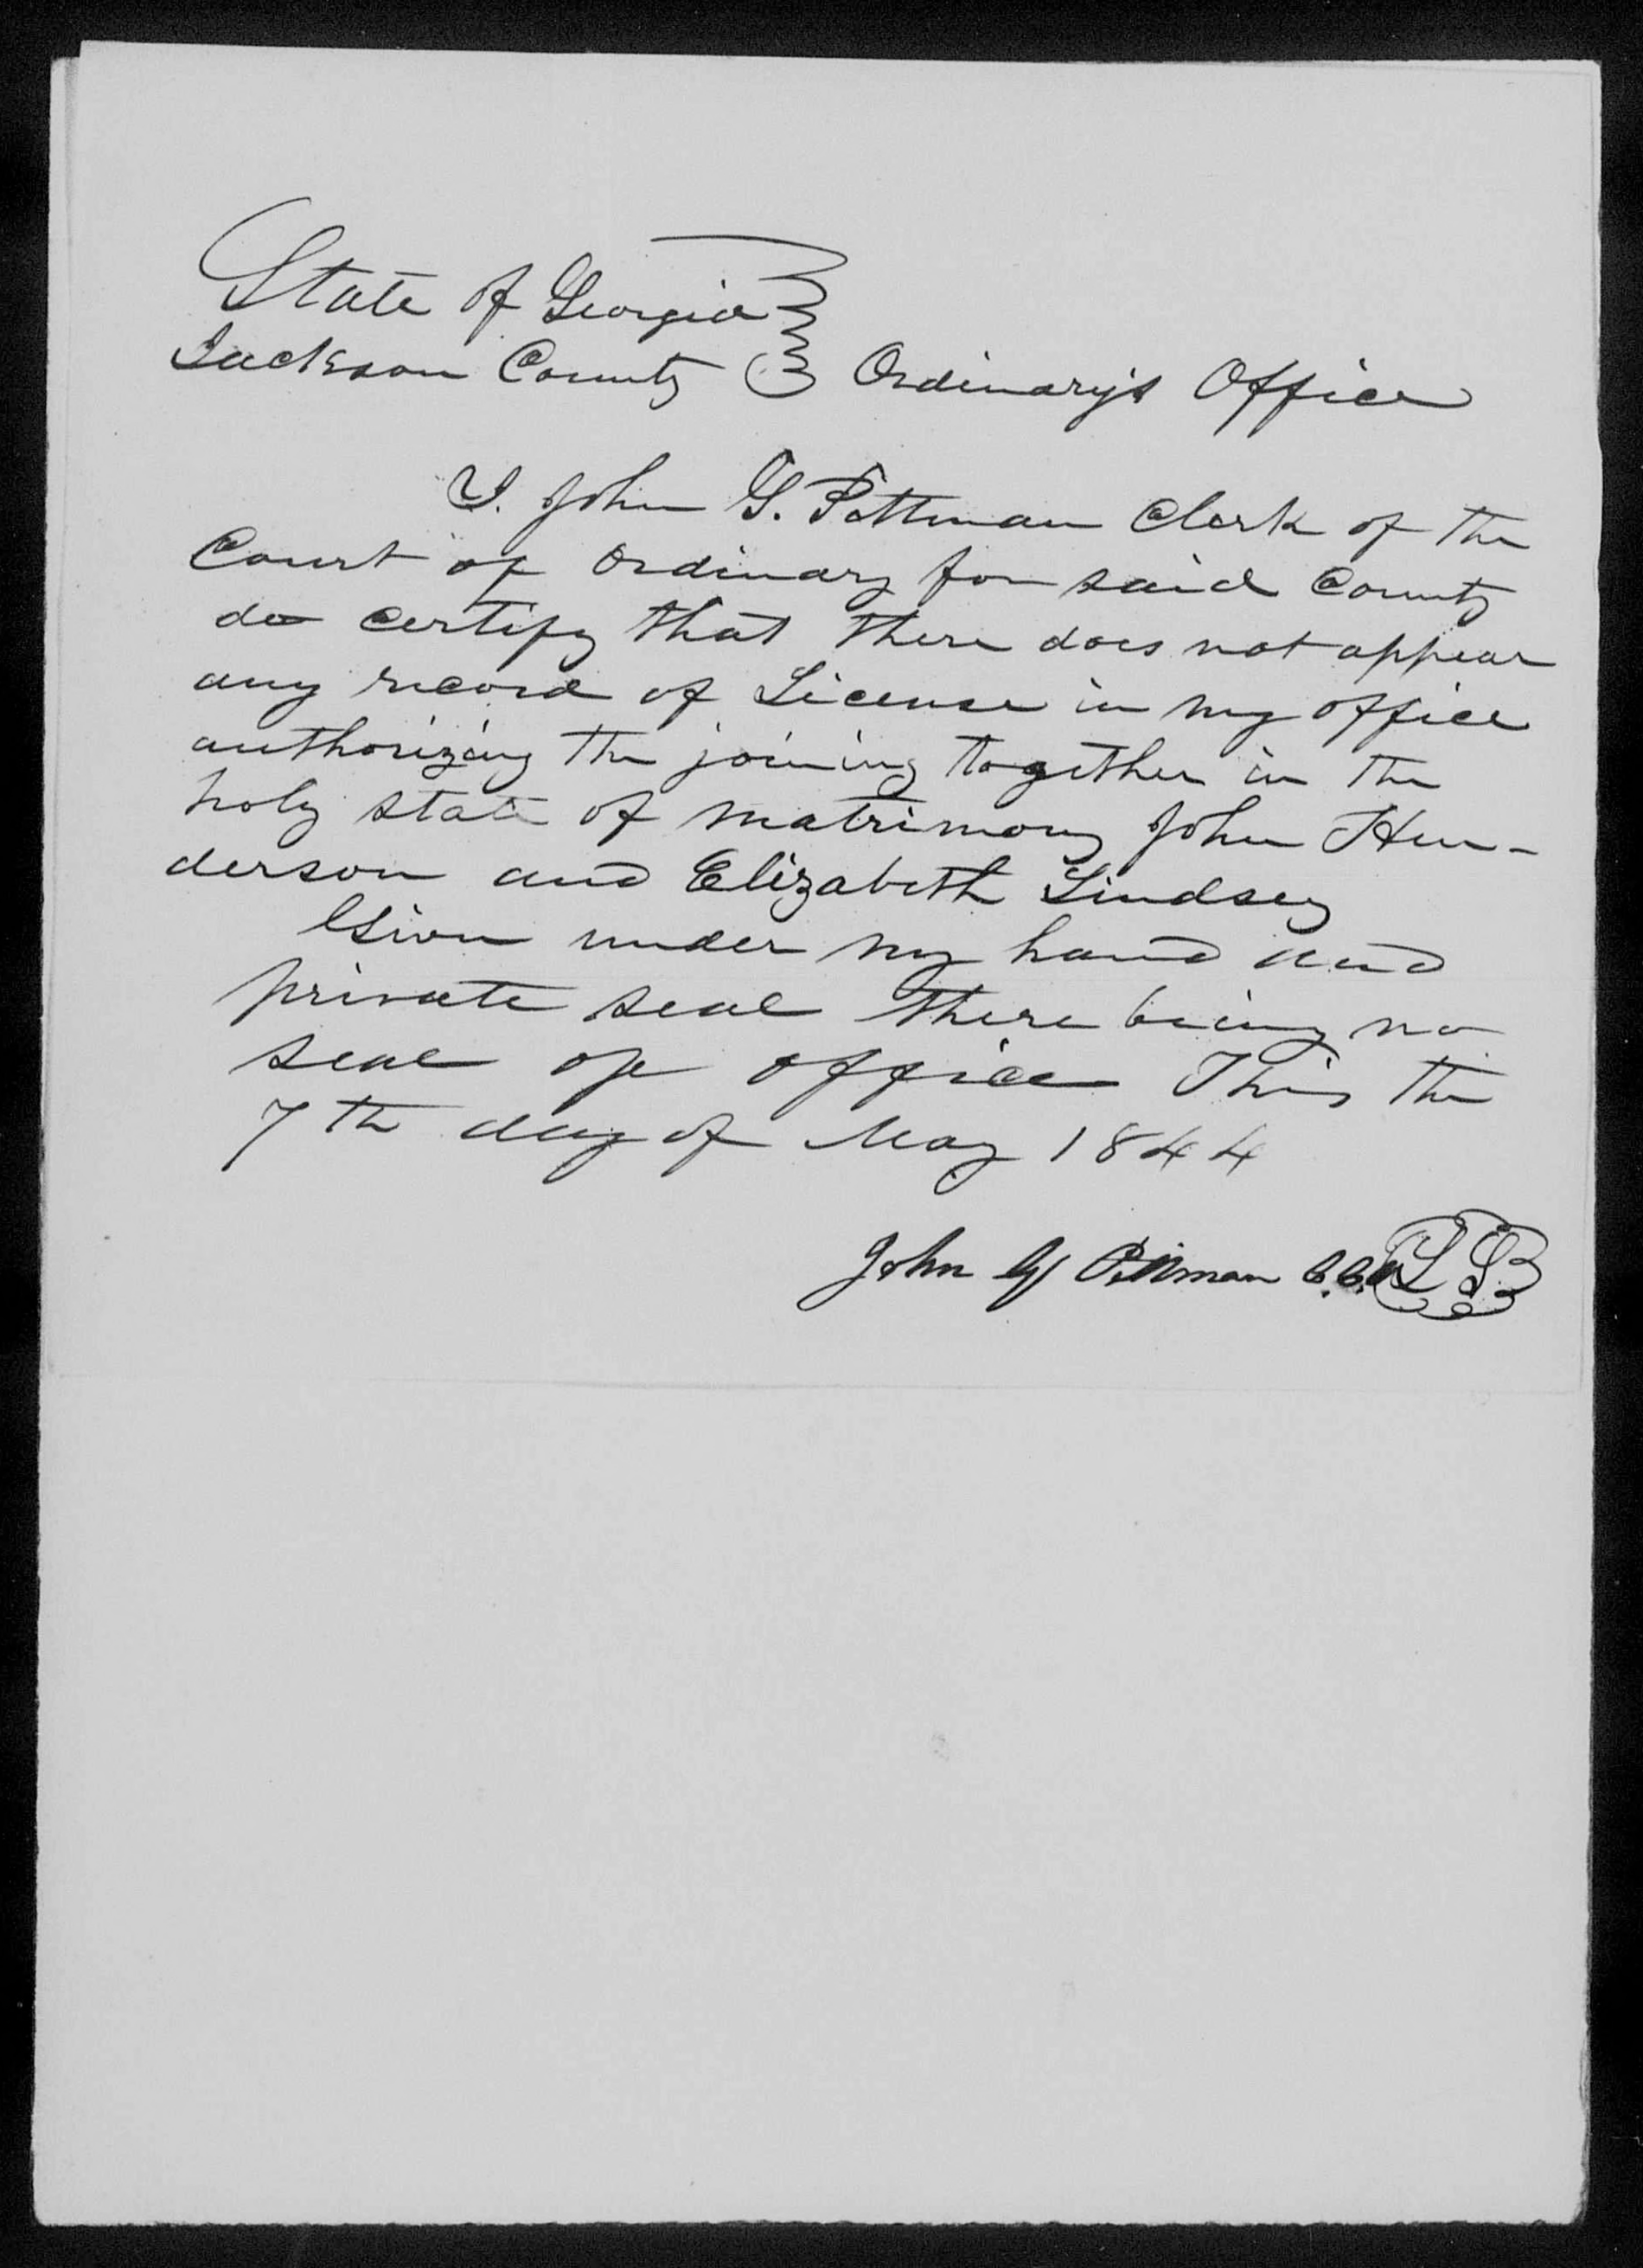State of Georgia ⎬
Jackson County ⎬ 

Ordinary's Office

I John G. Pittman Clerk of the
Court of Ordinary for said County
do certify that there does not appear
any record of Licence in my office
authorizing the joining together in the
holy State of Matrimon John Hen-
derson and Elizabeth Lindsey

Given under my hand and
private seal there being no
Seal of Office  This the
7th day of May 1844
John G Pulman C.C.O   SEAL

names: John G Pittman, Elizabeth Lindsey, John G Pittman, John Henderson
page: 33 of 40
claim: rejected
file: R. 4,869, John Henderson, S.C.